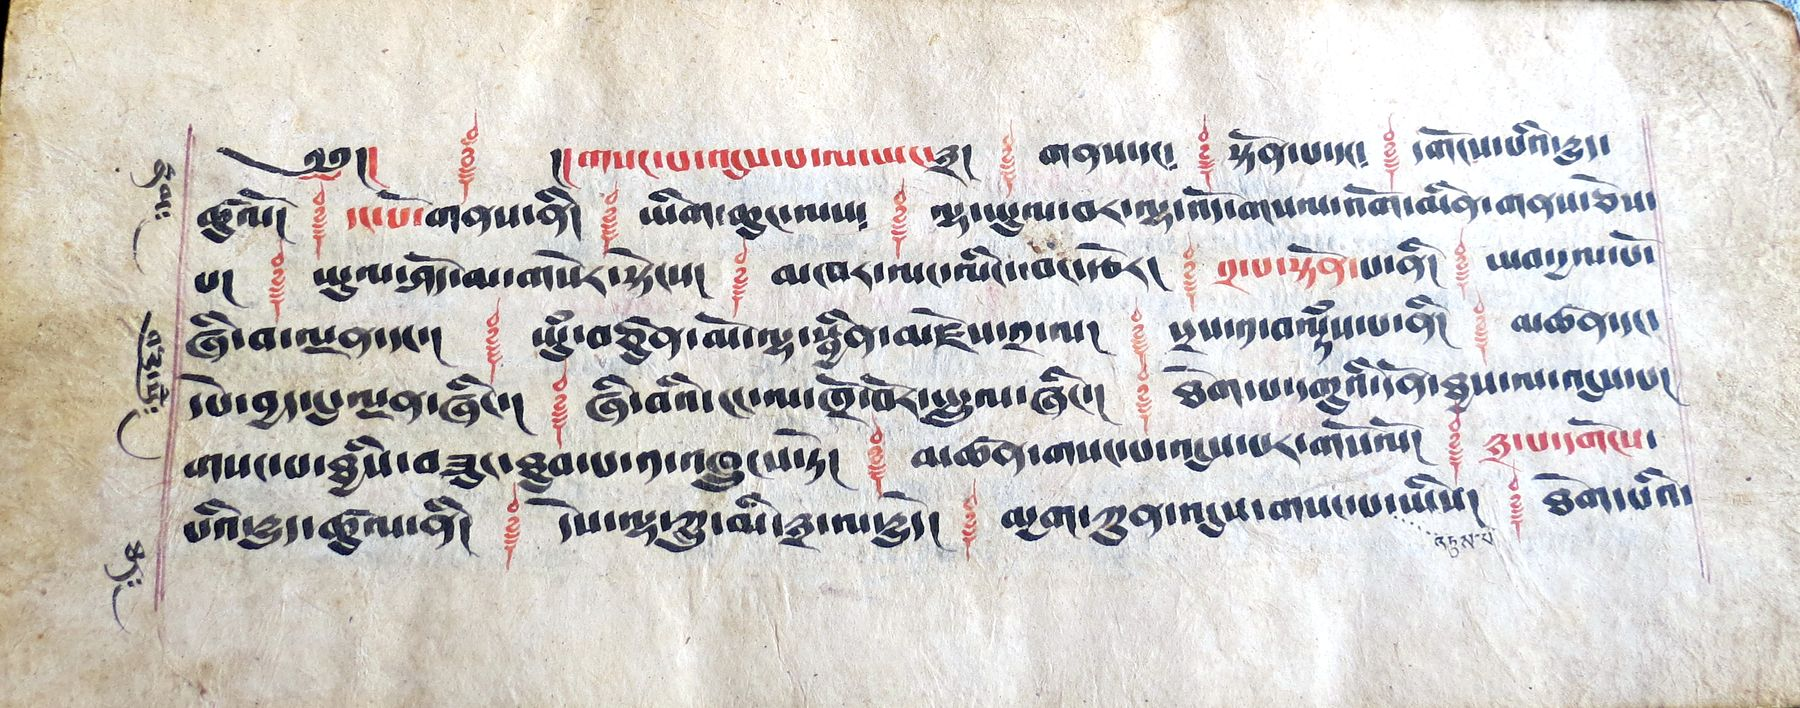གསང་བ་འདུས་པ་ལ་གསུམ་སྟེ། གནས་དང་སྟོན་པ་དང་། དགོངས་པའི་བརྒྱུད་
ཚུལ་ལོ། ། དང་པོ་གནས་ནི། ལྷ་ཡུལ་བར་ལྷ་འོད་གསལ་འོག་མིན་གནས་ཞེས་
པས། ཡུལ་ཤོད་མ་གསེར་སྟེང་། མཁར་ལང་ལིང་བང་རྩེར། གཉིས་པ་སྟོན་པ་ནི། ཡབ་རྒྱལ་པོ་
ཞི་བ་ལྡན་དང་། ཡུམ་བཙུན་མོ་ལྷ་བྱིན་མཛེས་གཉིས་ལ་སྲས་ཤིག་བལྟམས་པ་ནི། མཚན་དང་
དཔེ་བྱད་དུ་ལྡན་ཞིང་། ཞི་བའི་ངང་ལས་ཁྲོ་བོར་སྤྲུལ་ཅིང་། ཐེག་པ་དགུའི་དོན་ཐུགས་ལ་འདུས་པ། 
གསང་བ་ཐུགས་ཀྱི་གཟུངས་ཐོབ་པ་ཞིག་འཁྲུངས་ཏེ། མཚན་གསང་བ་འདུས་པར་གསོལ་ལོ། ། གསུམ་པ་དགོངས་
པའི་བརྒྱུད་ཚུལ་ནི། དེས་ལྷ་ཀླུ་མི་གསུམ་ལ་བརྒྱུད་དེ། མན་ངག་ཀུན་འདུས་གསང་བ་འདུས་པ་ཡིས། ཐེག་པའི་